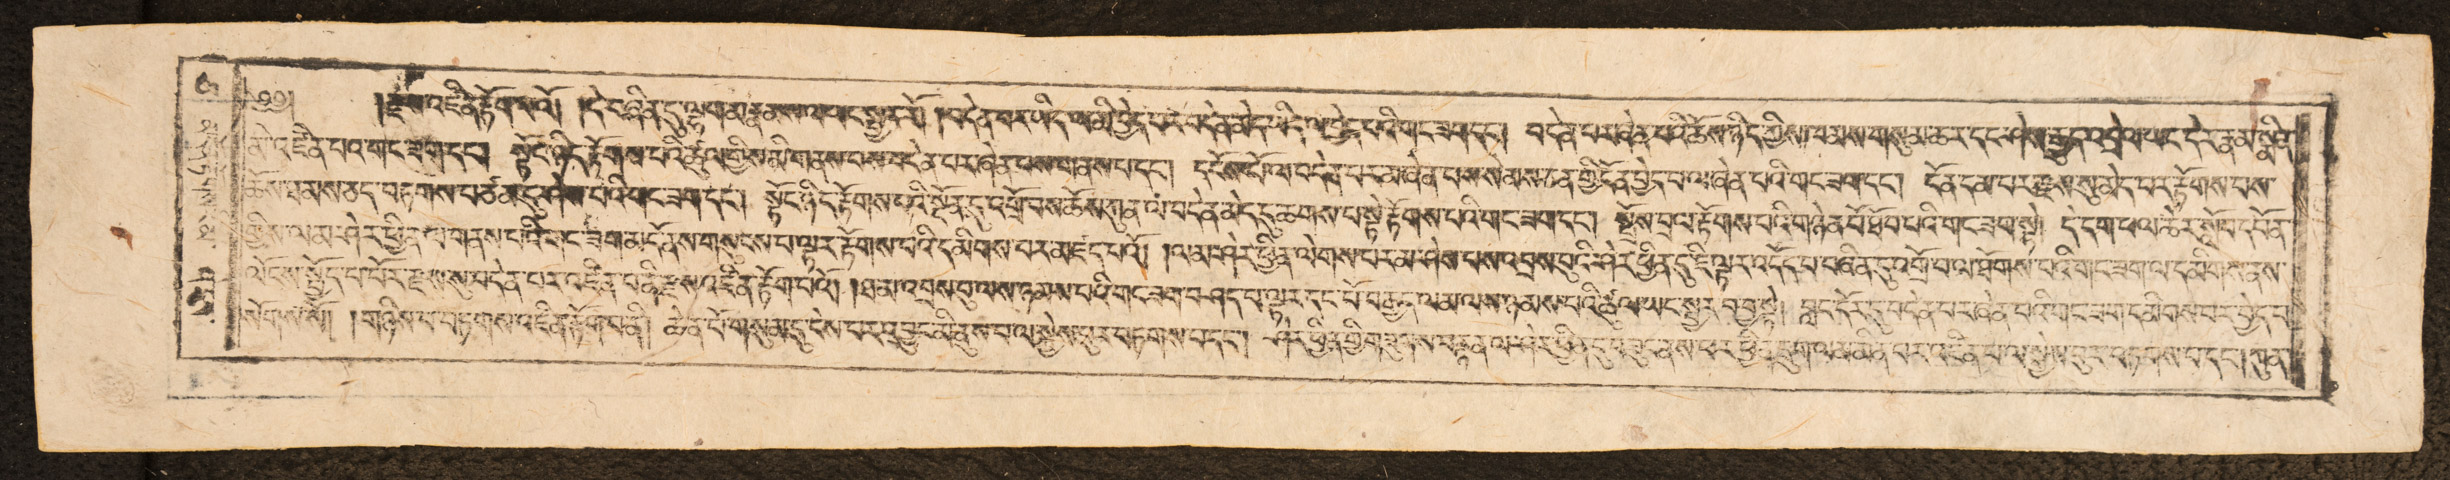༄༅། །རྫས་འཛིན་རྟོག་པའོ། །དེ་བཞིན་དུ་ལྷག་མ་རྣམས་ལ་ཡང་སྦྱར་རོ། །བདེན་པར་ཡིད་ལ་མི་བྱེད་པར་བདེན་མེད་ཡིད་ལ་བྱེད་པའི་གང་ཟག་དང་། བདེན་པར་ཞེན་པའི་ཆོས་ཉིད་ཀྱིས་ཁམས་གསུམ་ཆར་དང་ཤེས་རྒྱུད་འབྲེལ་ཡང་དེར་རྣམ་སྨིན་
མི་འཛིན་པའི་གང་ཟག་དང་། སྟོང་ཉིད་རྟོགས་པའི་ཚུལ་གྱིས་མི་གནས་པས་བདེན་པར་ཞེན་པས་གནས་པ་དང་། དངོས་པོ་ལ་བདེན་པར་མ་ཞེན་པས་སེམས་ཅན་གྱི་དོན་བྱེད་པ་ལ་ཞེན་པའི་གང་ཟག་དང་། དོན་དམ་པར་རྫས་སུ་མེད་པར་རྟོགས་པས་
ཆོས་ཐམས་ཅད་བཏགས་པ་ཙམ་དུ་ཤེས་པའི་གང་ཟག་དང་། སྟོང་ཉིད་རྟོགས་པའི་སྔོན་དུ་འགྲོ་བས་ཆོས་ཀུན་ལ་བདེན་མེད་དུ་ཆགས་པ་སྟེ་རྟོགས་པའི་གང་ཟག་དང་། སྤྲོས་བྲལ་རྟོགས་པའི་གཉེན་པོ་ཐོབ་པའི་གང་ཟག་སྟེ། དེ་དག་ཕལ་ཆེར་སློབ་དཔོན་
གྱིས་ལམ་ཤེར་ཕྱིན་ལ་གནས་པའི་གང་ཟག་མདོ་ནས་གསུངས་པ་ལྟར་རྟོགས་པའི་དམིགས་པར་མཛད་པའོ། །ལམ་ཤེར་ཕྱིན་ལེགས་པར་མ་ཤེས་པས་འབྲས་བུའི་ཤེར་ཕྱིན་དུ་ཇི་ལྟར་འདོད་པ་བཞིན་དུ་འགྲོ་བ་ལ་ཐོགས་པའི་གང་ཟག་ལ་དམིགས་ནས་
ལོངས་སྤྱོད་པ་པོར་རྫས་སུ་བདེན་པར་འཛིན་པ་ནི་རྫས་འཛིན་རྟོག་པའོ། །ཐ་མ་འབྲས་བུ་ལས་ཉམས་པའི་གང་ཟག་བཤད་པ་ལྟར་དང་པོ་བརྒྱད་ལམ་ལས་ཉམས་པའི་ཚུལ་ཡང་སྦྱར་བ་བྱ་སྟེ། བླང་དོར་དུ་བདེན་པར་ཞེན་པའི་གང་ཟག་དམིགས་པར་བྱེད་པ་
སོགས་སོ། །གཉིས་པ་བཏགས་འཛིན་རྟོག་པ་ནི། ཆེན་པོ་གསུམ་དུ་ངེས་པར་འབྱུང་མི་ནུས་པ་ལ་སྐྱེས་བུར་བཏགས་པ་དང་། ཤེར་ཕྱིན་གྱི་གཟུགས་བརྙན་ལ་ཤེར་ཕྱིན་དུ་བཟུང་ནས་ཕར་ཕྱིན་དྲུག་ལམ་མིན་པར་འཛིན་པ་ལ་སྐྱེས་བུར་བཏགས་པ་དང་། ཀུན་